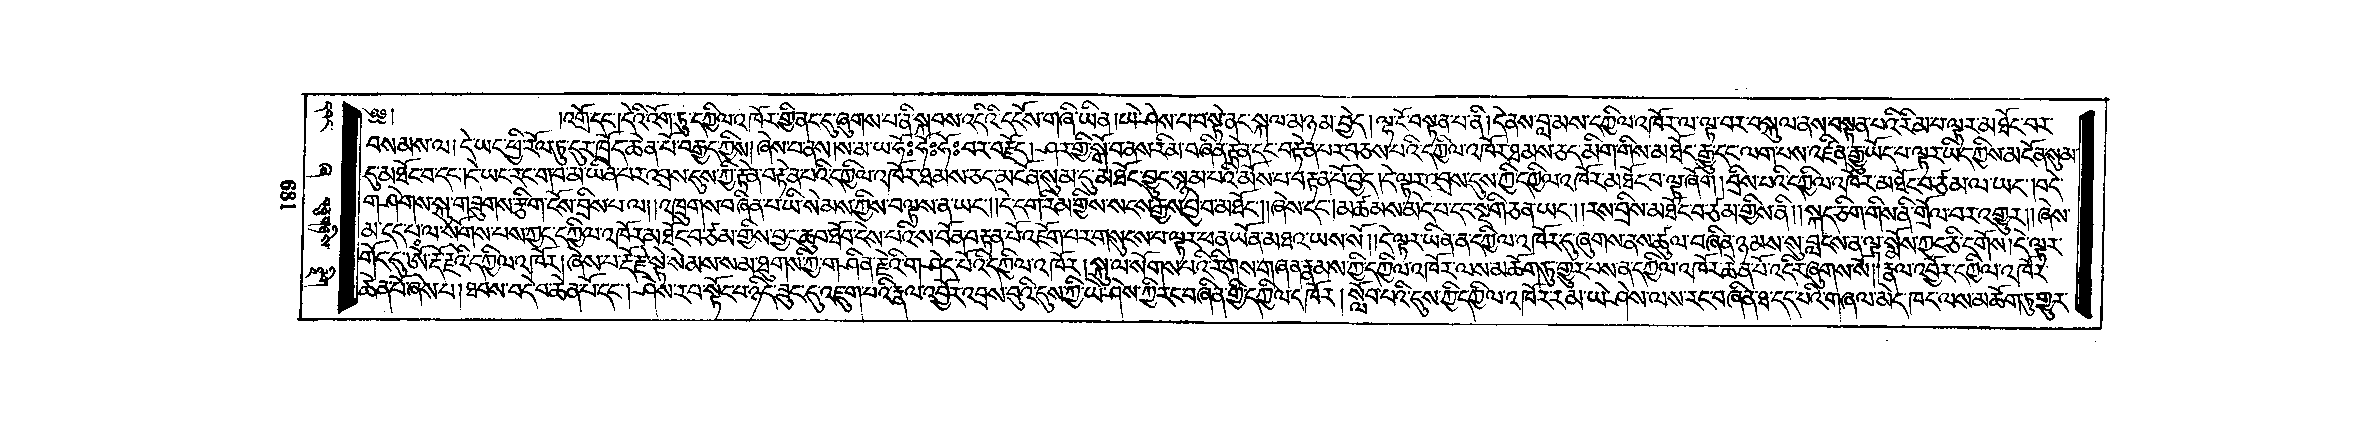༄༅། །འགྲོ་དང་། དེའི་འོག་ཏུ་དཀྱིལ་འཁོར་གྱི་ནང་དུ་ཞུགས་པ་ནི་སྐབས་འདིའི་དངོས་གཞི་ཡིན། ཡེ་ཤེས་པ་བ་སྟེ་ནང་སྐལ་མཉམ་བྱེད། ལྷ་ངོ་བསྟན་པ་ནི། དེ་ནས་བླ་མས་དཀྱིལ་འཁོར་ལ་ལྟ་བར་བསྐུལ་ནས་བསྟན་པའི་རིམ་པ་ལྟར་མཐོང་བར་
བསམས་ལ། དེ་ཡང་ཕྱི་རོལ་ཏུ་དུར་ཁྲོད་ཆེན་པོ་བརྒྱད་ཀྱིས། ཞེས་པ་ནས། ས་མ་ཡ་ཧོཿ ཧོཿ ཧོཿ བར་བརྗོད། ཤར་གྱི་སྒོ་བ་ནས་རིམ་བཞིན་རྟེན་དང་བརྟེན་པར་བཅས་པའི་དཀྱིལ་འཁོར་ཐམས་ཅད་མིག་གིས་མཐོང་རྒྱུ་དང་ལག་པས་འཛིན་རྒྱུ་ཡོད་པ་ལྟར་ཡིད་ཀྱིས་མངོན་སུམ་
དུ་མཐོང་བ་དང་། དེ་ཡང་རང་ག་བ་མ་ཡིན་པར་འབྲས་དུས་ཀྱི་རྟེན་བརྟེན་པའི་དཀྱིལ་འཁོར་ཐམས་ཅད་མངོན་སུམ་དུ་མཐོང་བྱུང་སྙམ་པའི་མོས་པ་བརྟན་པོ་བྱེད། དེ་ལྟར་འབྲས་དུས་ཀྱི་དཀྱིལ་འཁོར་མཐོང་བ་ལྟ་ཞོག །བྲིས་པའི་དཀྱིལ་འཁོར་མཐོང་བ་ཙམ་ལ་ཡང་། བདེ་
གཤེགས་སྐུ་གཟུགས་རྩིག་ངོས་བྲིས་པ་ལ། །འཁྲུགས་བཞིན་པ་ཡི་སེམས་ཀྱིས་བལྟས་ན་ཡང་། །དེ་དག་རིམ་གྱིས་སངས་རྒྱས་བྱེ་བ་མཐོང་། །ཞེས་དང་། མཚམས་མེད་པ་དང་སྡིག་ཅན་ཡང་། །རས་བྲིས་མཐོང་བ་ཙམ་གྱིས་ནི། །སྐད་ཅིག་གིས་ནི་གྲོལ་བར་འགྱུར། །ཞེས་
མ་དད་པ་ལ་སོགས་པས་ཀྱང་དཀྱིལ་འཁོར་མཐོང་བ་ཙམ་གྱིས་བྱང་ཆུབ་ཐོབ་ངེས་པའི་ས་བོན་བརྟན་པོ་འཇོག་པར་གསུངས་པ་ལྟར་ཕན་ཡོན་མཐའ་ཡས་སོ། །དེ་ལྟར་ཡིན་ན་དཀྱིལ་འཁོར་དུ་ཞུགས་ནས་ཚུལ་བཞིན་ཉམས་སུ་བླངས་ན་ལྟ་སྨོས་ཀྱང་ཅི་དགོས། དེ་ལྟར་
གོང་དུ་ཨོཾ་རྡོ་རྗེའི་དཀྱིལ་འཁོར། ཞེས་པ་རྡོ་རྗེ་སྟེ་སེམས་སམ་ཐུགས་ཀྱི་གཤིན་རྗེའི་གཤེད་པོའི་དཀྱིལ་འཁོར། སྐུ་ལ་སོགས་པའི་རིགས་གཞན་རྣམས་ཀྱི་དཀྱིལ་འཁོར་ལས་མཆོག་ཏུ་གྱུར་པས་ན་དཀྱིལ་འཁོར་ཆེན་པོ་འདིར་ཞུགས་སོ། །རྣལ་འབྱོར་དཀྱིལ་འཁོར་
ཆེན་པོ་ཞེས་པ། ཐབས་བདེ་བ་ཆེན་པོ་དང་། ཤེས་རབ་སྟོང་པ་ཉིད་ཟུང་དུ་འཇུག་པའི་རྣལ་འབྱོར་འབྲས་བུའི་དུས་ཀྱི་ཡེ་ཤེས་ཀྱི་རང་བཞིན་གྱི་དཀྱིལ་འཁོར། སློབ་པའི་དུས་ཀྱི་དཀྱིལ་འཁོར་རམ་ཡེ་ཤེས་ལས་རང་བཞིན་ཐ་དད་པའི་གཞལ་མེད་ཁང་ལས་མཆོག་ཏུ་གྱུར་